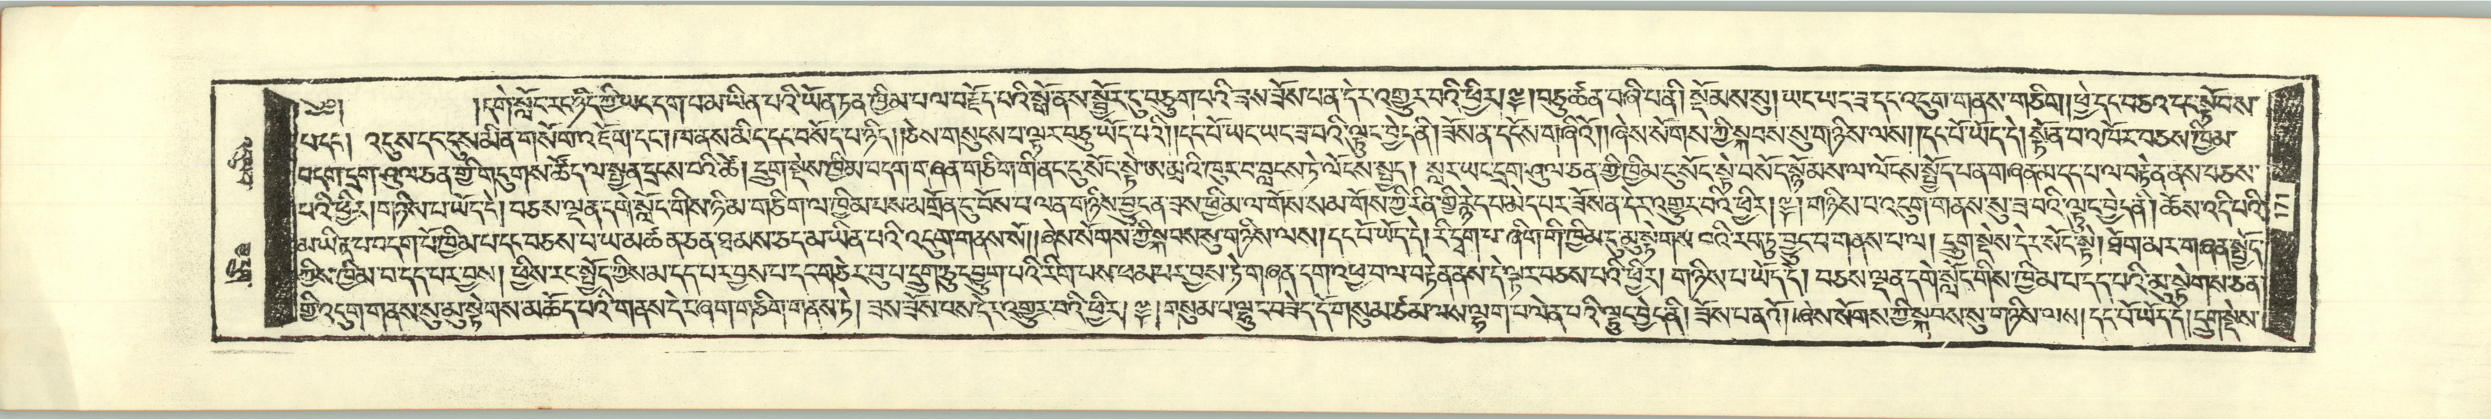༄༅། །དགེ་སློང་རང་ཉིད་ཀྱི་ཡང་དག་པ་མ་ཡིན་པའི་ཡོན་ཏན་ཁྱིམ་པ་ལ་བརྗོད་པའི་སྒོ་ནས་སྦྱོར་དུ་བཅུག་པའི་ཟས་ཟོས་པ་ན་དེར་འགྱུར་བའི་ཕྱིར། ༈ །བཅུ་ཚན་བཞི་པ་ནི། སྡོམས་སུ། ཡང་ཡང་ཟ་དང་འདུག་གནས་གཅིག་ཕྱེ་དང་བཅའ་དང་སྟོབས་
པ་དང་། འདུས་དང་དུས་མིན་གསོག་འཇོག་དང་། ཁ་ནས་མིད་དང་བསོད་པ་ཉིད། །ཅེས་གསུངས་པ་ལྟར་བཅུ་ཡོད་པའི། །དང་པོ་ཡང་ཡང་ཟ་བའི་ལྟུང་བྱེད་ནི། ཟོས་ན་དངོས་གཞིའོ། །ཞེས་སོགས་ཀྱི་སྐབས་སུ་གཉིས་ལས། །དང་པོ་ཡོད་དེ། སྟོན་པ་འཁོར་བཅས་ཁྱིམ་
བདག་དྲག་ཤུལ་ཅན་གྱི་གདུགས་ཚོད་ལ་སྤྱན་དྲངས་བའི་ཚེ། དྲུག་སྡེས་ཁྱིམ་བདག་གཞན་གཅིག་གི་ནང་དུ་སོང་སྟེ་ཨ་མྲའི་ཁུར་བ་བླངས་ཏེ་ལོངས་སྤྱད། སླར་ཡང་དྲག་ཤུལ་ཅན་གྱི་ཁྱིམ་དུ་སོང་སྟེ་བསོད་སྙོམས་ལ་ལོངས་སྤྱོད་པ་ན་གཞན་མ་དད་པ་ལ་བརྟེན་ནས་བཅས་
པའི་ཕྱིར། གཉིས་པ་ཡོད་དེ། བཅས་ལྡན་དགེ་སློང་གིས་ཉི་མ་གཅིག་ལ་ཁྱིམ་པས་མགྲོན་དུ་བོས་པ་ལན་གཉིས་བྱུང་ན་ཟས་ཕྱི་མ་ལ་གོས་སམ་གོས་ཀྱི་རིན་གྱི་རྙེད་པ་མེད་པར་ཟོས་ན་དེར་འགྱུར་བའི་ཕྱིར། ༈ །གཉིས་པ་འདུག་གནས་སུ་ཟ་བའི་ལྟུང་བྱེད་ནི། ཆོས་འདི་པའི་
མ་ཡིན་པ་བདག་པོ་ཁྱིམ་པ་དང་བཅས་པ་ཡ་མཚན་ཅན་ཐམས་ཅད་མ་ཡིན་པའི་འདུག་གནས་སོ། །ཞེས་སོགས་ཀྱི་སྐབས་སུ་གཉིས་ལས། དང་པོ་ཡོད་དེ། རི་དྭག་པ་ཞིག་གི་ཁྱིམ་དུ་མུ་སྟེགས་པའི་རབ་ཏུ་བྱུང་བ་གནས་པ་ལ། དྲུག་སྡེས་དེར་སོང་སྟེ། ཐོག་མར་གཞན་སྤྱོད་
ཀྱིས་ཁྱིམ་པ་དད་པར་བྱས། ཕྱིས་རང་སྤྱོད་ཀྱིས་མ་དད་པར་བྱས་པ་དང་གཅེར་བུ་པ་དྲུག་ཅུ་དབྱུག་པའི་རིག་པས་ཕམ་པར་བྱས་ཏེ་གཞན་དག་འཕྱ་བ་ལ་བརྟེན་ནས་དེ་ལྟར་བཅས་པའི་ཕྱིར། གཉིས་པ་ཡོད་དེ། བཅས་ལྡན་དགེ་སློང་གིས་ཁྱིམ་པ་དད་པའི་མུ་སྟེགས་ཅན་
གྱི་འདུག་གནས་སུ་མུ་སྟེགས་མཆོད་པའི་གནས་དེར་ཞག་གཅིག་གནས་ཏེ། ཟས་ཟོས་པས་དེར་འགྱུར་བའི་ཕྱིར། ༈ །གསུམ་པ་ལྷུང་བཟེད་དོ་གསུམ་ཙམ་ལས་ལྷག་པ་ལེན་པའི་ལྟུང་བྱེད་ནི། ཟོས་པ་ནའོ། །ཞེས་སོགས་ཀྱི་སྐབས་སུ་གཉིས་ལས། དང་པོ་ཡོད་དེ། དྲུག་སྡེས་